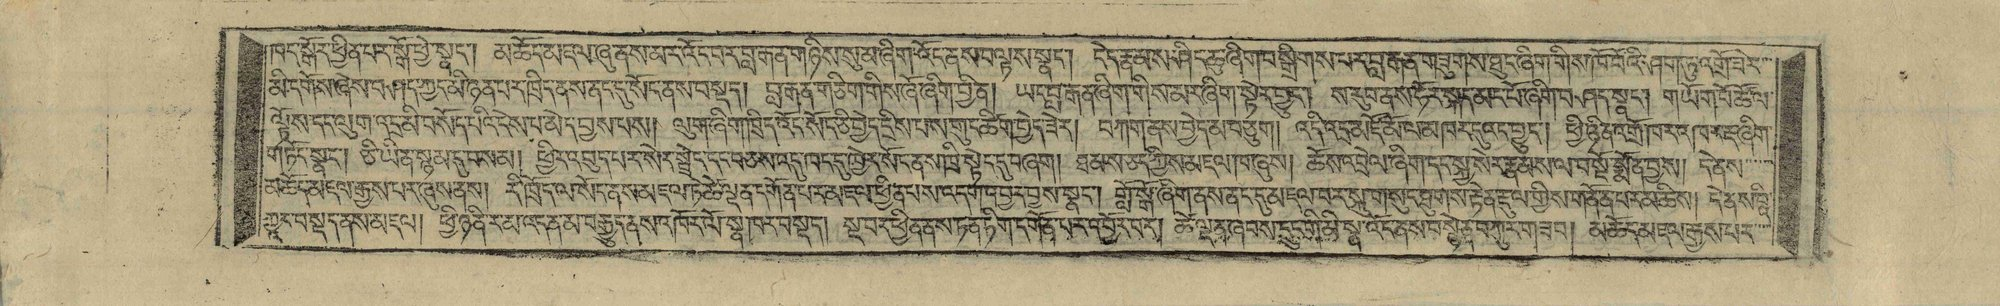ཁང་སྒོར་ཕྱིན་པར་སྒོ་ཕྱེ་སྣང་། མཆོད་མཇལ་ཞུ་ནས་མར་འོང་བར་བླ་རྒན་གཉིས་སུམ་ཞིག་འོང་ནས་བལྟས་སྣང་། ངེད་རྣམས་ཤིང་ཆུ་ཞིག་བསྒྲིགས་པར་བླ་རྒན་གཟུགས་ཐུང་ཞིག་གིས་ཁོ་བོའི་ཤག་ཏུ་འགྲོ་ཟེར་
མི་དགོས་ཞེས་བཤད་ཀྱང་མི་ཉན་པར་ཁྲིད་ནས་ནང་དུ་སོང་ནས་བསྡད། བླ་རྒན་གཅིག་གིས་ཞོ་ཞིག་བྱིན། ཡང་བླ་རྒན་ཞིག་གིས་མར་ཞིག་སྟེར་བྱུང་། ས་རུབ་ནས་ཧོར་སྐད་མང་པོ་ཞིག་བཤད་སྣང་། གཡོག་པོ་ཚོལ་
ལྟོས་དང་ལུག་འདྲ་མི་བསོད་པའི་ངེས་པ་མེད་བྱས་པས། ལུག་ཞིག་ཁྲིད་འོང་སོང་ཅི་བྱེད་དྲིས་པས་གུང་ཚིག་བྱེད་ཟེར། བཀག་ནས་བྱེད་མ་བཅུག །འདི་འདྲ་མཛོ་མོ་ལ་མཁར་དུའང་བྱུང་། ཕྱི་ཉིན་འགྲོ་ཁང་འཁར་རྡ་ཞིག་
གཏོང་སྣང་། ཅི་ཡིན་སྙམ་དུ་བསམ། ཕྱིར་འཕུད་པར་སེར་སྦྲེང་དང་བཅས་འདུ་ཁང་དུ་ཁྱེར་སོང་ནས་ཁྲི་སྟེང་དུ་བཞག །ཐམས་ཅད་ཀྱིས་མཇལ་ཁ་ཞུས། ཆོས་འབྲེལ་ཞིག་དང་སྐྱ་སེར་རྣམས་ལ་བསྔོ་སྨོན་བྱས། དེ་ནས་
མཆོད་མཇལ་རྒྱས་པར་ཞུས་ནས། རི་ཁྲོད་ལ་སོང་ནས་མཇལ་ཏེ་ཚེ་ལྡན་དགོན་པར་མཇལ་ཕྱིན་པས་འདག་འབྱར་བྱས་སྣང་། གློ་སྒོ་ཞིག་ནས་ནང་དུ་མཇལ་བར་སྐུ་གསུང་ཐུགས་རྟེན་རྡུལ་གྱིས་གནོན་པར་མཆིས། དེ་ནས་པཱི་
ཀྱཱར་བསྡད་ནས་མཇལ། ཕྱི་ཉིན་ར་མ་འདན་མ་བརྒྱུད་ནས་འཁོར་ལོ་སྣ་ཁར་བསྡད། སྔ་བར་ཕྱིན་ནས་ཏན་ཏིག་དགོན་པར་འབྱོར་བར། ཚེ་ལྡན་ཞབས་དྲུང་གི་མི་སྣ་འོང་ནས་བསྙེན་བཀུར་གཟབ། མཆོད་མཇལ་རྒྱས་པར་